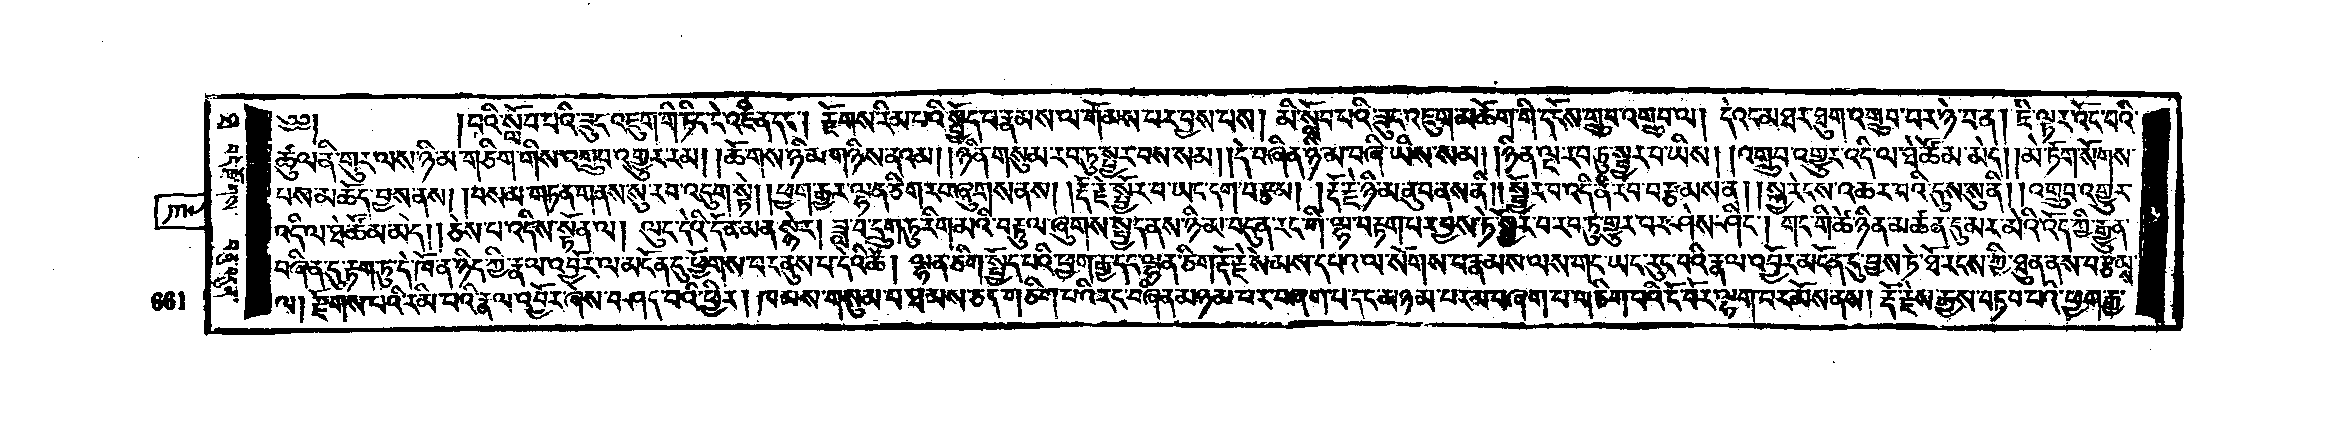༄༅། །པའི་སློབ་པའི་ཟུང་འཇུག་གི་ཏིང་ངེ་འཛིན་དང་། རྫོགས་རིམ་པའི་སྤྱོད་པ་རྣམས་ལ་གོམས་པར་བྱས་པས། མི་སློབ་པའི་ཟུང་འཇུག་མཆོག་གི་དངོས་གྲུབ་འགྲུབ་ལ། དེའང་མཐར་ཐུག་འགྲུབ་པར་ཉེ་བ་ན། ཇི་ལྟར་འོང་བའི་
ཚུལ་ནི་གུར་ལས་ཉི་མ་གཅིག་གིས་འགྲུབ་འགྱུར་རམ། །ཆོ་གས་ཉི་མ་གཉིས་ནའམ། །ཉིན་གསུམ་རབ་ཏུ་སྤྱར་བས་སམ། །དེ་བཞིན་ཉི་མ་བཞི་ཡིས་སམ། །ཉིན་ལྔ་རབ་ཏུ་སྦྱར་བ་ཡིས། །འགྲུབ་འགྱུར་འདི་ལ་ཐེ་ཚོམ་མེད། །མེ་ཏོག་སོགས་
པས་མཆོད་བྱས་ནས། །བསམ་གཏན་གནས་སུ་རབ་འདུག་སྟེ། །ཕྱག་རྒྱར་ལྷན་ཅིག་རབ་ཞུགས་ནས། །རྡོ་རྗེ་སྦྱོར་བ་ཡང་དག་བརྩམ། །རྡོ་རྗེ་ཉི་མ་ནུབ་ནས་ནི། །སྦྱོར་བ་འདི་ནི་རབ་བརྩམས་ན། །སྐྱ་རེངས་འཆར་བའི་དུས་སུ་ནི། །འགྲུབ་འགྱུར་
འདི་ལ་ཐེ་ཚོམ་མེད། །ཅེས་པ་འདིས་སྟོན་ལ། ལུང་དེའི་དོན་མན་སྙེར། ཟླ་བ་དྲུག་ཏུ་རིག་མའི་བརྟུལ་ཞུགས་སྤྱད་ནས་ཉི་མ་ཤེས་ཤིང་། གང་གི་ཚེ་ཉིན་མཚན་དུ་མར་མེའི་འོད་ཀྱི་རྒྱུན་ཤེས་ཤིང་། གང་གི་ཚེ་ཉིན་མཚན་དུ་མར་མེའི་འོད་ཀྱི་རྒྱུན་
བཞིན་དུ་རྟག་ཏུ་དེ་ཁོ་ན་ཉིད་ཀྱི་རྣལ་འབྱོར་ལ་མངོན་དུ་ཕྱོགས་པར་ནུས་པ་དེའི་ཚེ། ལྷན་ཅིག་སྤྱོད་པའི་ཕྱག་རྒྱ་དང་ལྷན་ཅིག་རྡོ་རྗེ་སེམས་དཔའ་ལ་སོགས་པ་རྣམས་ལས་གང་ཡང་རུང་བའི་རྣལ་འབྱོར་མངོན་དུ་བྱས་ཏེ་ཐོ་རངས་ཀྱི་ཐུན་ནས་བརྩམས་
ལ། རྫོགས་པའི་རིམ་པའི་རྣལ་འབྱོར་ཞེས་བཤད་པའི་ཕྱིར། ཁམས་གསུམ་པ་ཐམས་ཅད་གཅིག་པའི་རང་བཞིན་མཉམ་པར་བཞག་པ་དང་མཉམ་པར་མ་བཞག་པ་གཅིག་པའི་ངོ་བོར་ལྷག་པར་མོས་ནས། རྡོ་རྗེས་རྒྱས་བཏབ་པའི་ཕྱག་རྒྱ་